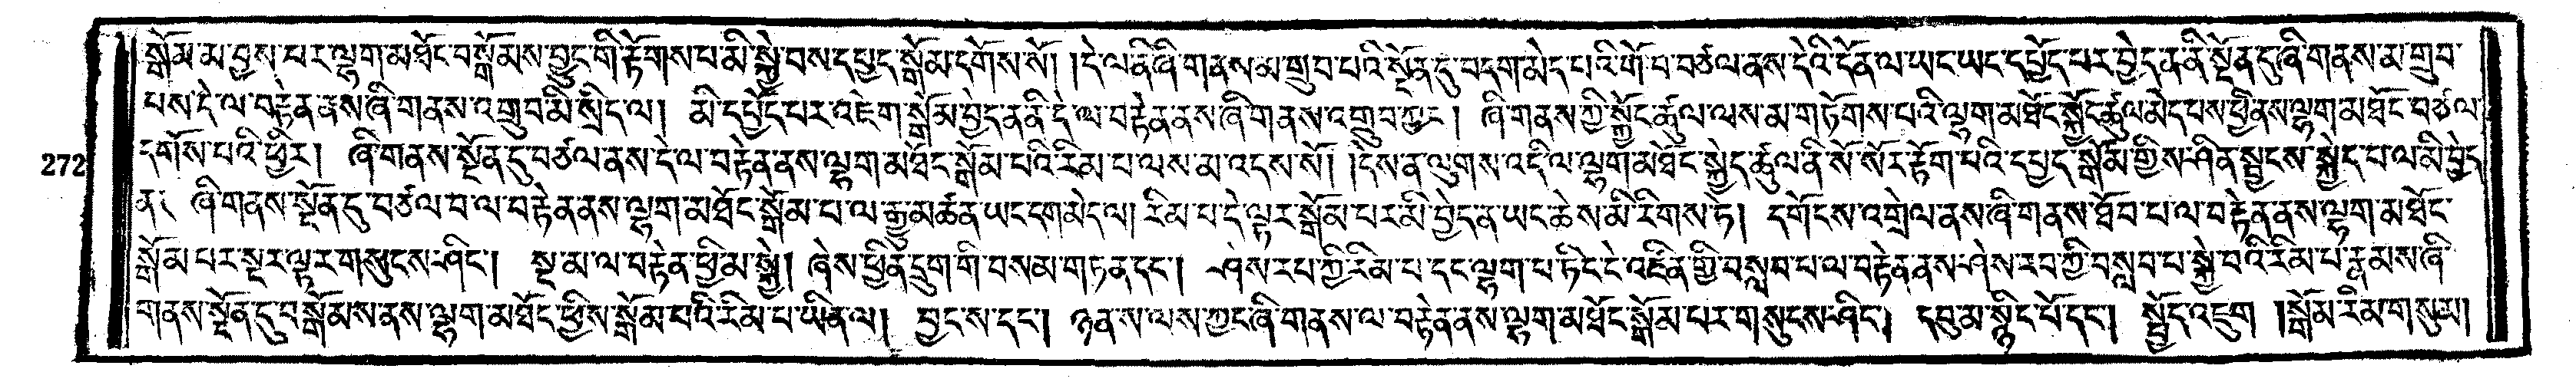སྒོམ་མ་བྱས་པར་ལྷག་མཐོང་བསྒོམས་བྱུང་གི་རྟོགས་པ་མི་སྐྱེ་བས་དཔྱད་སྒོམ་དགོས་སོ། །དེ་ལ་ནི་ཞི་གནས་མ་གྲུབ་བའི་སྔོན་དུ་བདག་མེད་པའི་གོ་བ་བཙལ་ནས་དེའི་དོན་ལ་ཡང་ཡང་དཔྱོད་པར་བྱེད་ན་ནི་སྔོན་དུ་ཞི་གནས་མ་གྲུབ་
པས་དེ་ལ་བརྟེན་ནས་ཞི་གནས་འགྲུབ་མི་སྲིད་ལ། མི་དཔྱོད་པར་འཇེག་སྒོམ་བྱེད་ན་ནི་དེ་ལ་བརྟེན་ནས་ཞི་གནས་འགྲུབ་ཀྱང་། ཞི་གནས་ཀྱི་སྐྱོང་ཚུལ་ལས་མ་གཏོགས་པའི་ལྷག་མཐོང་སྐྱོང་ཚུལ་མེད་པས་ཕྱི་ནས་ལྷག་མཐོང་བཙལ་
དགོས་བའི་ཕྱིར། ཞི་གནས་སྔོན་དུ་བཙལ་ནས་དེ་ལ་བརྟེན་ནས་ལྷག་མཐོང་སྒོམ་པའི་རིམ་པ་ལས་མ་འདས་སོ། །དེས་ན་ལུགས་འདི་ལ་ལྷག་མཐོང་སྐྱེད་ཚུལ་ནི་སོ་སོར་རྟོག་པའི་དཔྱད་སྒོམ་གྱིས་ཤིན་སྦྱངས་སྐྱེད་པ་ལ་མི་བྱེད་
ན༑ ཞི་གནས་སྔོན་དུ་བཙལ་བ་ལ་བརྟེན་ནས་ལྷག་མཐོང་སྒོམ་པ་ལ་རྒྱུ་མཚན་ཡང་དག་མེད་ལ། རིམ་པ་དེ་ལྟར་སྒོམ་པར་མི་བྱེད་ན་ཡང་ཆེས་མི་རིགས་ཏེ། དགོངས་འགྲེལ་ནས་ཞི་གནས་ཐོབ་པ་ལ་བརྟེན་ནས་ལྷག་མཐོང་
སྒོམ་པར་སྔར་ལྟར་གསུངས་ཤིང་། སྔ་མ་ལ་བརྟེན་ཕྱི་མ་སྐྱེ། ཞེས་ཕྱིན་དྲུག་གི་བསམ་གཏན་དང་། ཤེས་རབ་ཀྱི་རིམ་པ་དང་ལྷག་པ་ཏིང་ངེ་འཛིན་གྱི་བསླབ་པ་ལ་བརྟེན་ནས་ཤེས་རབ་ཀྱི་བསླབ་པ་སྐྱེ་བའི་རིམ་པ་རྣམས་ཞི་
གནས་སྔོན་དུ་བསྒོམས་ནས་ལྷག་མཐོང་ཕྱིས་སྒོམ་པའི་རིམ་པ་ཡིན་ལ། བྱང་ས་དང་། ཉན་ས་ལས་ཀྱང་ཞི་གནས་ལ་བརྟེན་ནས་ལྷག་མཐོང་སྒོམ་པར་གསུངས་ཤིང་། དབུ་མ་སྙིང་པོ་དང་། སྦྱོད་འཇུག །སྒོམ་རིམ་གསུམ།